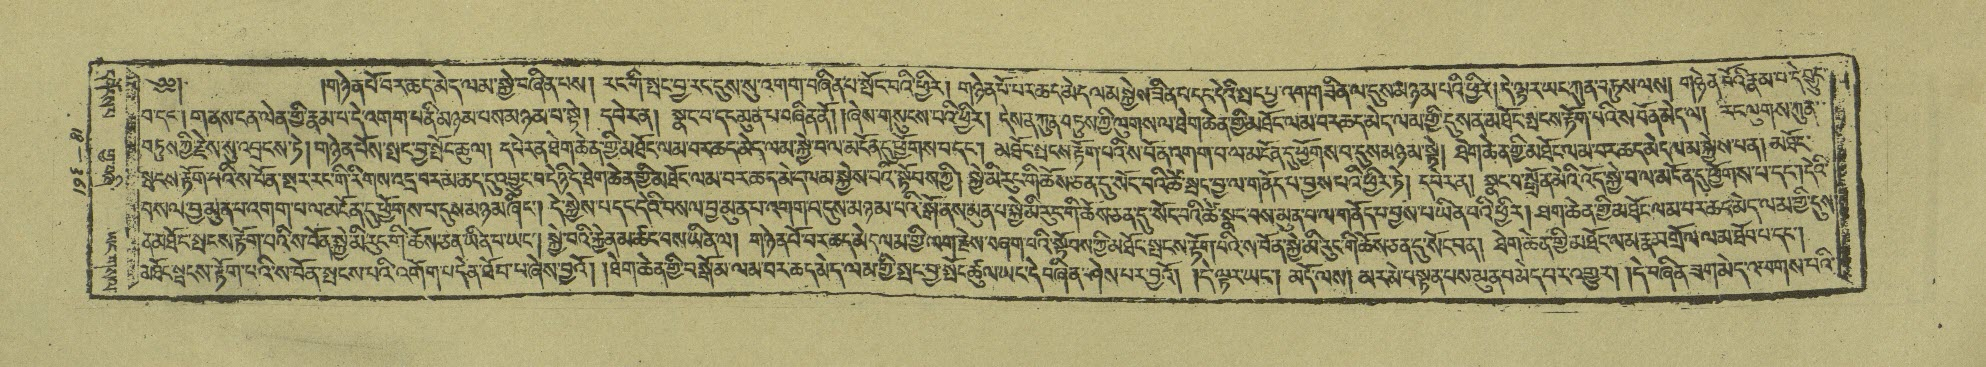༄༅། །གཉེན་པོ་བར་ཆད་མེད་ལམ་སྐྱེ་བཞིན་པས། རང་གི་སྤང་བྱ་རང་དུས་སུ་འགག་བཞིན་པ་སྤོང་བའི་ཕྱིར། གཉེན་པོ་བར་ཆད་མེད་ལམ་སྐྱེས་ཟིན་པ་དང་དེའི་སྤང་བྱ་འགག་ཟིན་ལ་དུས་མཉམ་པའི་ཕྱིར། དེ་ལྟར་ཡང་ཀུན་བཏུས་ལས། གཉེན་པོའི་རྣམ་པ་དེ་བྱ་
བ་དང་། གནས་ངན་ལེན་གྱི་རྣམ་པ་དེ་འགག་པ་ནི་མཉམ་པས་མཉམ་པ་སྟེ། དཔེར་ན། སྣང་བ་དང་མུན་པ་བཞིན་ནོ། །ཞེས་གསུངས་པའི་ཕྱིར། དེས་ན་ཀུན་བཏུས་ཀྱི་ལུགས་ལ་ཐེག་ཆེན་གྱི་མཐོང་ལམ་བར་ཆད་མེད་ལམ་གྱི་དུས་ན་མཐོང་སྤངས་རྟོག་པའི་ས་བོན་མེད་ལ། རང་ལུགས་ཀུན་
བཏུས་ཀྱི་རྗེས་སུ་འབྲངས་ཏེ། གཉེན་པོས་སྤང་བྱ་སྤོང་ཚུལ། དཔེར་ན་ཐེག་ཆེན་གྱི་མཐོང་ལམ་བར་ཆད་མེད་ལམ་སྐྱེ་བ་ལ་མངོན་དུ་ཕྱོགས་པ་དང་། མཐོང་སྤངས་རྟོག་པའི་ས་བོན་འགག་པ་ལ་མངོན་དུ་ཕྱོགས་པ་དུས་མཉམ་སྟེ། ཐེག་ཆེན་གྱི་མཐོང་ལམ་བར་ཆད་མེད་ལམ་སྐྱེས་བ་ན། མཐོང་
སྤངས་རྟོག་པའི་ས་བོན་སྔར་རང་གི་རིགས་འདྲ་བར་མ་ཆད་དུ་འབྱུང་བ་དེ་ཉིད་ཐེག་ཆེན་གྱི་མཐོང་ལམ་བར་ཆད་མེད་ལམ་སྐྱེས་པའི་སྟོབས་ཀྱི། སྐྱེ་མི་རུང་གི་ཆོས་ཅན་དུ་སོང་བའི་ཚེ་སྤང་བྱ་ལ་གནོད་པ་བྱས་པའི་ཕྱིར་ཏེ། དཔེར་ན། སྣང་བ་སྒྲོན་མེའི་འོད་སྐྱེ་བ་ལ་མངོན་དུ་ཕྱོགས་པ་དང་། དེའི་
བསལ་བྱ་མུན་པ་འགག་པ་ལ་མངོན་དུ་ཕྱོགས་པ་དུས་མཉམ་ཞིང་། དེ་སྐྱེས་པ་དང་དེའི་བསལ་བྱ་མུན་པ་འགག་པ་དུས་མཉམ་པའི་སྒོ་ནས་མུན་པ་སྐྱེ་མི་རུང་གི་ཆོས་ཅན་དུ་སོང་བའི་ཚེ་སྣང་བས་མུན་པ་ལ་གནོད་པ་བྱས་པ་ཡིན་པའི་ཕྱིར། ཐེག་ཆེན་གྱི་མཐོང་ལམ་བར་ཆད་མེད་ལམ་གྱི་དུས་
ན་མཐོང་སྤངས་རྟོག་པའི་ས་བོན་སྐྱེ་མི་རུང་གི་ཆོས་ཅན་ཡིན་པ་ཡང་། སྐྱེ་བའི་རྐྱེན་མ་ཚང་བས་ཡིན་ལ། གཉེན་པོ་བར་ཆད་མེད་ལམ་གྱི་ལག་རྗེས་བཞག་པའི་སྟོབས་ཀྱི་མཐོང་སྤངས་རྟོག་པའི་ས་བོན་སྐྱེ་མི་རུང་གི་ཆོས་ཅན་དུ་སོང་བ་ན། ཐེག་ཆེན་གྱི་མཐོང་ལམ་རྣམ་གྲོལ་ལམ་ཐོབ་པ་དང་།
མཐོང་སྤངས་རྟོག་པའི་ས་བོན་སྤངས་པའི་འགོག་བདེན་ཐོབ་པ་ཞེས་བྱའོ། །ཐེག་ཆེན་གྱི་བསྒོམ་ལམ་བར་ཆད་མེད་ལམ་གྱི་སྤང་བྱ་སྤོང་ཚུལ་ཡང་དེ་བཞིན་ཤེས་པར་བྱའོ། །དེ་ལྟར་ཡང་། མདོ་ལས། མར་མེ་བསྟན་པས་མུན་པ་མེད་པར་འགྱུར། །དེ་བཞིན་ཟག་མེད་འཕགས་པའི་